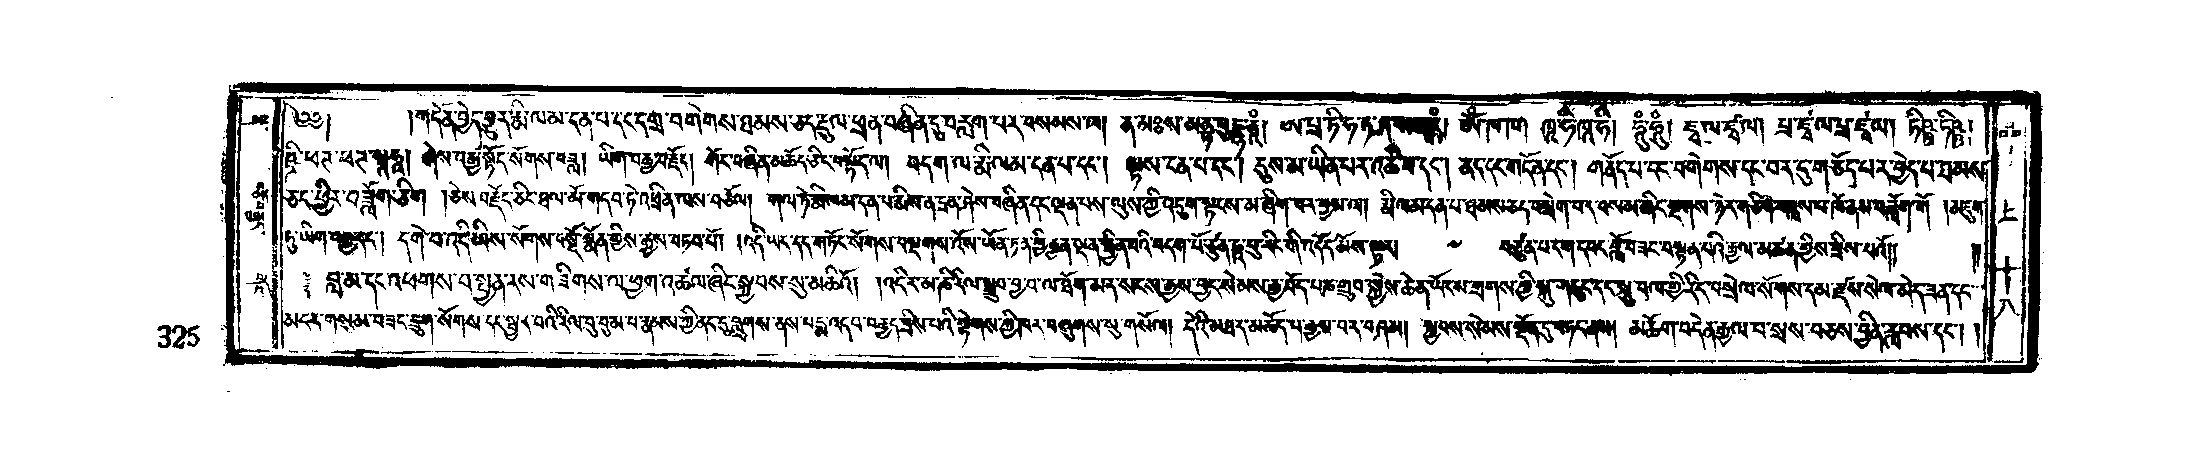༄༅། །གདོན་བྱེད་བྱུར་རྨི་ལམ་ངན་པ་དང་དགྲ་བགེགས་ཐམས་ཅད་རྡུལ་ཕྲན་བཞིན་དུ་བརླག་པར་བསམས་ལ། ན་མཿ ས་མནྟ་བུདྡྷ་ནཱཾ། ཨ་པྲ་ཏི་ཧ་ཏ་ཤ་ས་མན་ཏཾ། ཨོཾ་ཁ་ཁ། ཁཱ་ཧི་ཁཱ་ཧི། ཧཱུཾ་ཧཱུཾ། ཛྭ་ལ་ཛྭ་ལ། པྲ་ཛྭ་ལ་པྲ་ཛྭ་ལ། ཏིཥཊཿཨ་ཏིཥཊཿཨ།
ཥྜི་ཕཊ་ཕཊ་སྭཱཧཱ། ཞེས་བརྒྱ་སྟོང་སོགས་བཟླ། ཡིག་བརྒྱ་བརྗོད། གོང་བཞིན་མཆོད་ཅིང་བསྟོད་ལ། བདག་ལ་རྨི་ལམ་ངན་པ་དང་། ལྟས་ངན་པ་དང་། དུས་མ་ཡིན་པར་འཆི་བ་དང་། ནད་དང་གདོན་དང་། གནོད་པ་དང་བགེགས་དང་བར་དུ་གཅོད་པར་བྱེད་པ་ཐམས་
ཅད་ཕྱིར་བཟློག་ཅིག །ཅེས་བརྗོད་ཅིང་ཐལ་མོ་གདབ་ཏེ་འཕྲིན་ལས་བཅོལ། གལ་ཏེ་རྨི་ལམ་ངན་པ་རྨིས་ན་དྲན་ཤེས་བཞིན་དང་ལྡན་པས་ལུས་ཀྱི་འདུག་སྟངས་མ་ཞིག་པར་བྱས་ལ། རྨི་ལམ་ངན་པ་ཐམས་ཅད་བསྲེག་པར་བསམ་ཞིང་སྔགས་ཉེར་གཅིག་བཟླས་པ་ཁོ་ནས་བཟློག་གོ །མཇུག་
ཏུ་ཡིག་བརྒྱ་དང་། དགེ་བ་འདི་ཡིས་སོགས་བསྔོ་སྨོན་གྱིས་རྒྱས་བཏབ་པོ། །འདི་ཡང་དད་གཏོང་སོགས་བསྔགས་འོས་ཡོན་ཏན་གྱི་རྒྱན་ལྡན་སྦྱིན་པའི་བདག་པོ་ཙུན་ཏཱ་པུ་རིང་གི་འདོད་མོས་ལྟར། བཙུན་པ་ངག་དབང་བློ་བཟང་བསྟན་པའི་རྒྱལ་མཚན་གྱིས་བྲིས་པའོ།། །།
བླ་མ་དང་འཕགས་པ་སྤྱན་རས་གཟིགས་ལ་ཕྱག་འཚལ་ཞིང་སྐྱབས་སུ་མཆིའོ། །འདིར་མ་ཎི་རིལ་སྒྲུབ་བྱ་བ་ལ་ཐོག་མར་སངས་རྒྱས་བྱང་སེམས་རྒྱ་བོད་པཎ་གྲུབ་སྐྱེས་ཆེན་ཡོངས་གྲགས་ཀྱི་སྐུ་གདུང་དང་སྐུ་བལ་གྱི་རིང་བསྲེལ་སོགས་དམ་རྫས་སེལ་མེད་ཟན་དང་
མངར་གསུམ་བཟང་དྲུག་སོགས་དང་སྦྱར་བའི་རིལ་བུ་བུམ་པ་རྣམས་ཀྱི་ནང་དུ་བླུགས་ནས་པདམ་འདབ་བརྒྱད་བྲིས་པའི་སྟེགས་ཀྱི་ཁར་བཞུགས་སུ་གསོལ། དེའི་མཐར་མཆོད་པ་རྒྱས་པར་བཤམ། སྐྱབས་སེམས་སྔོན་དུ་བཏང་ནས། མཆོག་བདེན་རྒྱལ་བ་སྲས་བཅས་བྱིན་རླབས་དང་། །